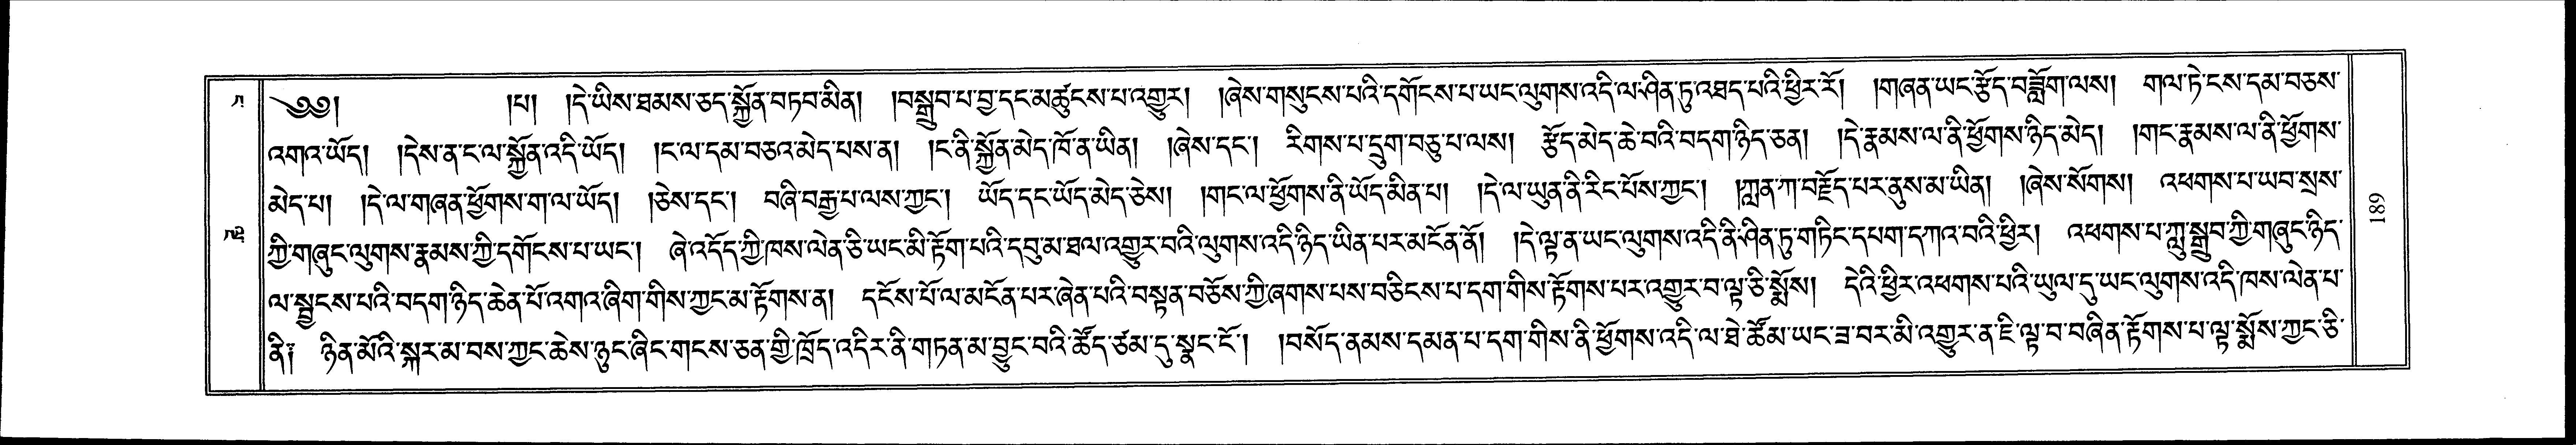༄༅། །པ། །དེ་ཡིས་ཐམས་ཅད་སྐྱོན་བཏབ་མིན། །བསྒྲུབ་པ་བྱ་དང་མཚུངས་པ་འགྱུར། །ཞེས་གསུངས་པའི་དགོངས་པ་ཡང་ལུགས་འདི་ལ་ཤིན་ཏུ་འཐད་པའི་ཕྱིར་རོ། །གཞན་ཡང་རྩོད་བཟློག་ལས། གལ་ཏེ་ངས་དམ་བཅས་
འགའ་ཡོད། །དེས་ན་ང་ལ་སྐྱོན་འདི་ཡོད། །ང་ལ་དམ་བཅའ་མེད་པས་ན། །ང་ནི་སྐྱོན་མེད་ཁོ་ན་ཡིན། །ཞེས་དང་། རིགས་པ་དྲུག་བཅུ་པ་ལས། རྩོད་མེད་ཆེ་བའི་བདག་ཉིད་ཅན། །དེ་རྣམས་ལ་ནི་ཕྱོགས་ཉིད་མེད། །གང་རྣམས་ལ་ནི་ཕྱོགས་
མེད་པ། །དེ་ལ་གཞན་ཕྱོགས་ག་ལ་ཡོད། །ཅེས་དང་། བཞི་བརྒྱ་པ་ལས་ཀྱང་། ཡོད་དང་ཡོད་མེད་ཅེས། །གང་ལ་ཕྱོགས་ནི་ཡོད་མིན་པ། །དེ་ལ་ཡུན་ནི་རིང་པོས་ཀྱང་། །ཀླན་ཀ་བརྗོད་པར་ནུས་མ་ཡིན། །ཞེས་སོགས། འཕགས་པ་ཡབ་སྲས་
ཀྱི་གཞུང་ལུགས་རྣམས་ཀྱི་དགོངས་པ་ཡང་། ཞེ་འདོད་ཀྱི་ཁས་ལེན་ཅི་ཡང་མི་རྟོག་པའི་དབུ་མ་ཐལ་འགྱུར་བའི་ལུགས་འདི་ཉིད་ཡིན་པར་མངོན་ནོ། །དེ་ལྟ་ན་ཡང་ལུགས་འདི་ནི་ཤིན་ཏུ་གཏིང་དཔག་དཀའ་བའི་ཕྱིར། འཕགས་པ་ཀླུ་སྒྲུབ་ཀྱི་གཞུང་ཉིད་
ལ་སྦྱངས་པའི་བདག་ཉིད་ཆེན་པོ་འགའ་ཞིག་གིས་ཀྱང་མ་རྟོགས་ན། དངོས་པོ་ལ་མངོན་པར་ཞེན་པའི་བསྟན་བཅོས་ཀྱི་ཞགས་པས་བཅིངས་པ་དག་གིས་རྟོགས་པར་འགྱུར་བ་ལྟ་ཅི་སྨོས། དེའི་ཕྱིར་འཕགས་པའི་ཡུལ་དུ་ཡང་ལུགས་འདི་ཁས་ལེན་པ་
ནི། ཉིན་མོའི་སྐར་མ་བས་ཀྱང་ཆེས་ཉུང་ཞིང་གངས་ཅན་གྱི་ཁྲོད་འདིར་ནི་གཏན་མ་བྱུང་བའི་ཚོད་ཙམ་དུ་སྣང་ངོ། །བསོད་ནམས་དམན་པ་དག་གིས་ནི་ཕྱོགས་འདི་ལ་ཐེ་ཚོམ་ཡང་ཟ་བར་མི་འགྱུར་ན་ཇི་ལྟ་བ་བཞིན་རྟོགས་པ་ལྟ་སྨོས་ཀྱང་ཅི་